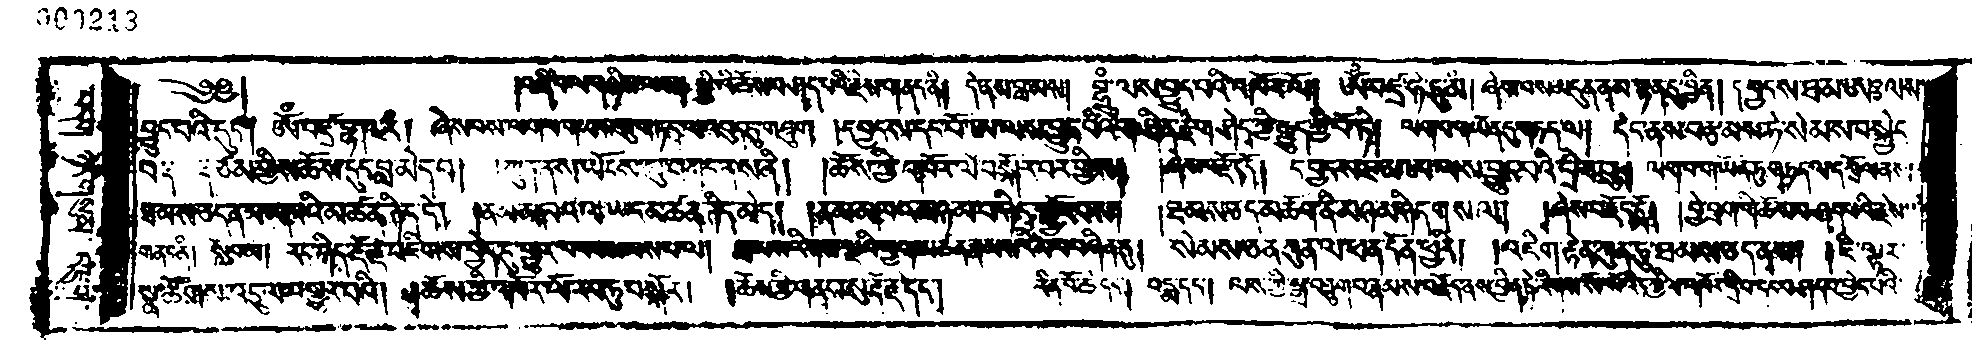༄༅། །བཞི་པ་ལ་གཉིས་ལས། སྤྱིའི་ཆོས་བཤད་པའི་རྗེས་གནང་ནི། དེ་ནས་བླ་མས། བྷྲུཾ་ལས་བྱུང་བའི་འཁོར་ལོ། ཨོཾ་བཛྲ་ཧེ་ཏུ་མཾ། ཞེས་བས་མདུན་ནམ་སྟན་དུ་བྱིན། དབྱངས་ཐ་མ་ཨཿ ལས་
བྱུང་བའི་དུང་། ཨོཾ་བཛྲ་བྷ་ཥ་རཾ། ཞེས་བས་ལག་པ་གཡས་སུ་གཏད་ལ་འབུད་དུ་གཞུག་།དབྱངས་དང་པོ་ཨ་ལས་བྱུང་བའི་གཤིན་རྗེ་གཤེད་ཀྱི་རྒྱུད་ཀྱི་བོ་ཏེ། ལག་པ་གཡོན་དུ་གཏད་ལ།  དེང་ནས་བརྩམས་ཏེ་སེམས་བསྐྱེད་
པ། །ཙམ་གྱིས་ཆོས་དུང་བླ་མེད་པ། །ཀུན་ནས་ཡོངས་སུ་བཀང་ནས་ནི། །ཆོས་ཀྱི་འཁོར་ལོ་བསྐོར་བར་གྱིས། །ཞེས་བརྗོད་དོ། དབྱངས་ཐ་མ་ཨ་ལས་བྱུང་བའི་དྲིལ་བུ། ལག་པ་གཡོན་ཏུ་གཏད་ལ་དཀྲོལ་ནས།
ཐམས་ཅད་ནམ་མཁའི་མཚན་ཉིད་དེ། །ནམ་མཁའ་ལ་ཡང་མཚན་ཉིད་མེད། །ནམ་མཁའ་མཉམ་པ་ཉིད་སྦྱོར་བས། །ཐམས་ཅད་མཆོག་ནི་མཉམ་ཉིད་གསལ། །ཞེས་བརྗོད་དོ། །བྱེ་བྲག་གི་ཆོས་བཤད་པའི་རྗེས་
གནང་ནི། སློབ་མ། རང་ཉིད་རྡོ་རྗེ་འཇིགས་བྱེད་དུ་གྱུར་བར་བསམས་པ་ལ། བླ་མས་རིགས་ལྔའི་ཕྱག་མཚན་རྣམས་རིམ་པ་བཞིན་དུ།  སེམས་ཅན་ཀུན་ལ་ཕན་དོན་ཕྱིར། །འཇིག་རྟེན་ཀུན་ཏུ་ཐམས་ཅད་ནས། །ཇི་ལྟར་
སྣ་ཚོགས་འདུལ་འགྱུར་བའི། །ཆོས་ཀྱི་འཁོར་ལོ་རབ་ཏུ་བསྐོར། །ཆོས་ཀྱི་གནས་སུ་རྡོ་རྗེ་དང་། རིན་པོ་ཆེ་དང་། པདམ་དང་། ལས་ཀྱི་སྒྲ་བཅུག་པ་རྣམས་བརྗོད་ནས་བྱིན་ཏེ་རིགས་སོ་སོའི་དཀྱིལ་འཁོར་དྲི་བ་དང་བཤད་པ་བྱེད་པའི་